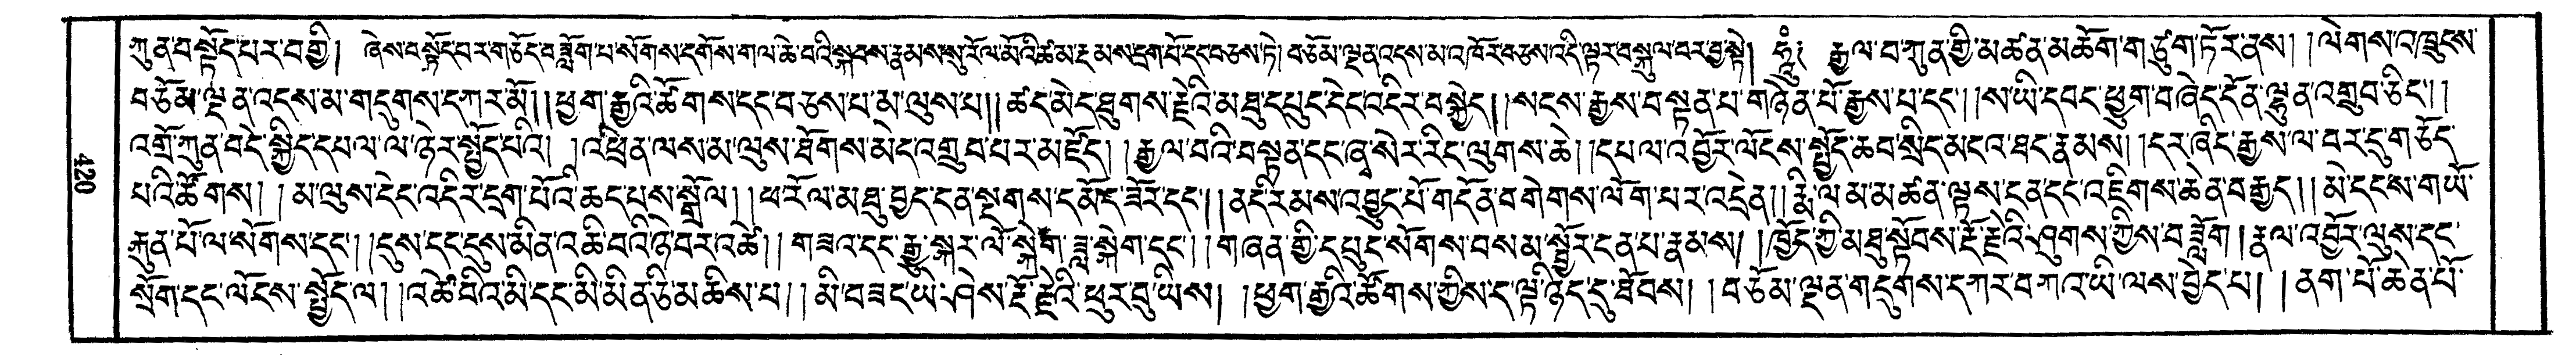ཀུན་བསྟོད་པར་བགྱི། ཞེས་བསྟོད་བར་གཅོད་བཟློག་པ་སོགས་དགོས་གལ་ཆེ་བའི་སྐབས་རྣམས་སུ་རོལ་མོའི་ཚམ་རྡམས་དྲག་པོ་དང་བཅས་ཏེ། བཅོམ་ལྡན་འདས་མ་འཁོར་བཅས་འདི་ལྟར་བསྐུལ་བར་བྱ་སྟེ།  ཧཱུཾ༑ རྒྱལ་བ་ཀུན་གྱི་མཚན་མཆོག་གཙུག་ཏོར་ནས། །ལེགས་འཁྲུངས་
བཅོམ་ལྡན་འདས་མ་གདུགས་དཀར་མོ། །ཕྱག་རྒྱའི་ཚོགས་དང་བཅས་པ་མ་ལུས་པ། །ཚད་མེད་ཐུགས་རྗེའི་མཐུ་དཔུང་དེང་འདིར་བསྐྱེད། །སངས་རྒྱས་བསྟན་པ་གཉན་པོ་རྒྱས་པ་དང་། །ས་ཡི་དབང་ཕྱུག་བཞེད་དོན་ལྷུན་འགྲུབ་ཅིང།།
འགྲོ་ཀུན་བདེ་སྐྱིད་དཔལ་ལ་ཉེར་སྤྱོད་པའི། །འཕྲིན་ལས་མ་ལུས་ཐོགས་མེད་འགྲུབ་པར་མཛོད། །རྒྱལ་བའི་བསྟན་དང་ཞྭ་སེར་རིང་ལུགས་ཆེ། །དཔལ་འབྱོར་ལོངས་སྤྱོད་ཆབ་སྲིང་མངའ་ཐང་རྣམས། །དར་ཞིང་རྒྱས་ལ་བར་དུ་གཅོད་
པའི་ཚོགས། །མ་ལུས་དེང་འདིར་དྲག་པོའི་ཆད་པས་སྒྲོལ། །ཕ་རོལ་མཐུ་བྱད་ངན་སྔགས་དམོད་ཟོར་དང་། །ནད་རིམས་འབྱུང་པོ་གདོན་བགེགས་ལོག་པར་འདྲེན། །རྨི་ལམ་མཚན་ལྟས་ངན་དང་འཇིགས་ཆེན་བརྒྱད། །མེ་དང་ས་གཡོ་
རྐུན་པོ་ལ་སོགས་དང་། །དུས་དང་ངུས་མིན་འཆི་བའི་ཉེ་བར་འཚེ། །གཟའ་དང་རྒྱུ་སྐར་ལོ་སྐེག་ཟླ་སྐེག་དང་། །གཞན་གྱི་དཔུང་སོགས་བསམ་སྦྱོར་ངན་པ་རྣམས། །ཁྱོད་ཀྱི་མཐུ་སྟོབས་རྡོ་རྗེའི་ཤུགས་ཀྱིས་བཟློག །རྣལ་འབྱོར་ལུས་དང་
སྲོག་དང་ལོངས་སྤྱོད་ལ། །འཚེ་བའི་མི་དང་མི་མིན་ཅི་མཆིས་པ། །མི་བཟད་ཡེ་ཤེས་རྡོ་རྗེའི་ཕུར་བུ་ཡིས། །ཕྱག་རྒྱའི་ཆོགས་ཀྱིས་ད་ལྟ་ཉིད་དུ་ཐོབས། །བཅོམ་ལྡན་གདུགས་དཀར་བཀའ་ཡི་ལས་བྱེད་པ། །ནག་པོ་ཆེན་པོ་